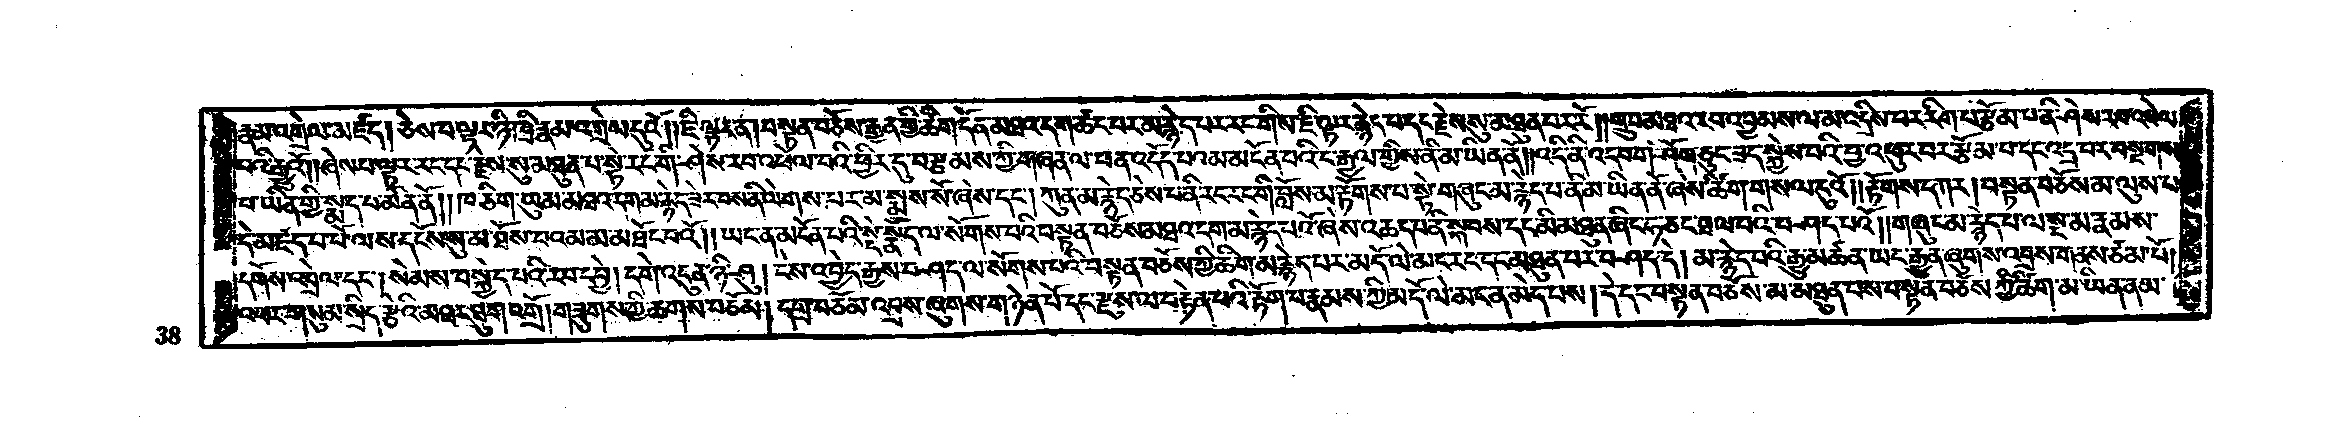རྣམ་འགྲེལ་མཛད། ཅེས་པ་ལྟར་ཉི་ཁྲི་རྣམ་འགྲེལ་དུའོ། །ཇི་ལྟར་ན། བསྟན་བཅོས་རྒྱན་གྱི་ཚིག་དོན་མཐའ་དག་ཚང་བར་མ་རྙེད་པར་རང་གིས་ཇི་ལྟར་རྙེད་པ་དང་རྗེས་སུ་མཐུན་པར་རོ། །གྲུབ་མཐའ་རབ་འབྱམས་ལ་མ་འདྲིས་པར་རིག་པ་རྩོམ་པ་ནི་ཤེས་རབ་འཕེལ་
བའི་རྒྱུའོ། །ཞེས་པ་ལྟར་རང་དང་རྗེས་སུ་མཐུན་པ་སྟེ་རང་གི་ཤེས་རབ་འཕེལ་བའི་ཕྱིར་དུ་བརྩམས་ཀྱི་གཞན་ལ་ཕན་འདོད་པའམ་མངོན་པའི་ང་རྒྱལ་གྱིས་ནི་མ་ཡིན་ནོ། །འདི་ནི་འདབ་གཤོག་ཅུང་ཟད་སྐྱེས་པའི་བྱ་འཕུར་བར་རྩོམ་པ་དང་འདྲ་བར་བསྔགས་
པ་ཡིན་གྱི་སྨད་པ་མིན་ནོ། །ཁ་ཅིག་ཡུམ་མཐའ་དག་མ་རྙེད་ཟེར་བས་ནི་ལེགས་པར་མ་སྨྲས་སོ་ཞེས་དང་། ཀུན་མ་རྙེད་ཅེས་པ་ནི་རང་རང་གི་བློས་མ་རྟོགས་པ་སྟེ་གཞུང་མ་རྙེད་པ་ནི་མ་ཡིན་ནོ་ཞེས་ཚིག་གསལ་དུའོ། །རྟོགས་དཀར། བསྟན་བཅོས་མ་ལུས་པ་
དེ་མཛད་པ་པོ་ལས་དངོས་སུ་མ་ཐོས་པའམ་མ་མཐོང་བའོ། །ཡང་ན་མངོན་པའི་སྡེ་སྣོད་ལ་སོགས་པའི་བསྟན་བཅོས་མཐའ་དག་མ་རྙེད་པའོ་ཞེས་འཆད་པ་ནི་སྐབས་དང་མི་མཐུན་ཞིང་ཧ་ཅང་ཐལ་བའི་བཤད་པའོ། །གཞུང་མ་རྙེད་པ་ལ་སྔ་མ་རྣམས་
དགོས་འབྲེལ་དང་། སེམས་བསྐྱེད་པའི་རབ་དབྱེ། དགེ་འདུན་ཉི་ཤུ། ངེས་འབྱེད་རྒྱས་བཤད་ལ་སོགས་པའི་བསྟན་བཅོས་ཀྱི་ཚིག་མ་རྙེད་པར་མདོ་ལེ་མང་རང་དང་མཐུན་པར་བཤད་དེ། མ་རྙེད་པའི་རྒྱུ་མཚན་ཡང་རྒྱུན་ཞུགས་འབྲས་གནས་ཙམ་པོ།
འཕར་གསུམ་སྲིད་རྩེའི་མཐར་ཐུག་འགྲོ་།གཟུགས་ཀྱི་ཆགས་བཅོམ། དགྲ་བཅོམ་འབྲས་ཞུགས་གཉེན་པོ་དང་རྫས་ལ་བརྟེན་པའི་རྟོག་པ་རྣམས་ཀྱི་མདོ་ལེ་མང་ན་མེད་པས། དེ་དང་བསྟན་བཅོས་མ་མཐུན་པས་བསྟན་བཅོས་ཀྱི་ཚིག་མ་ཡིན་ནམ་